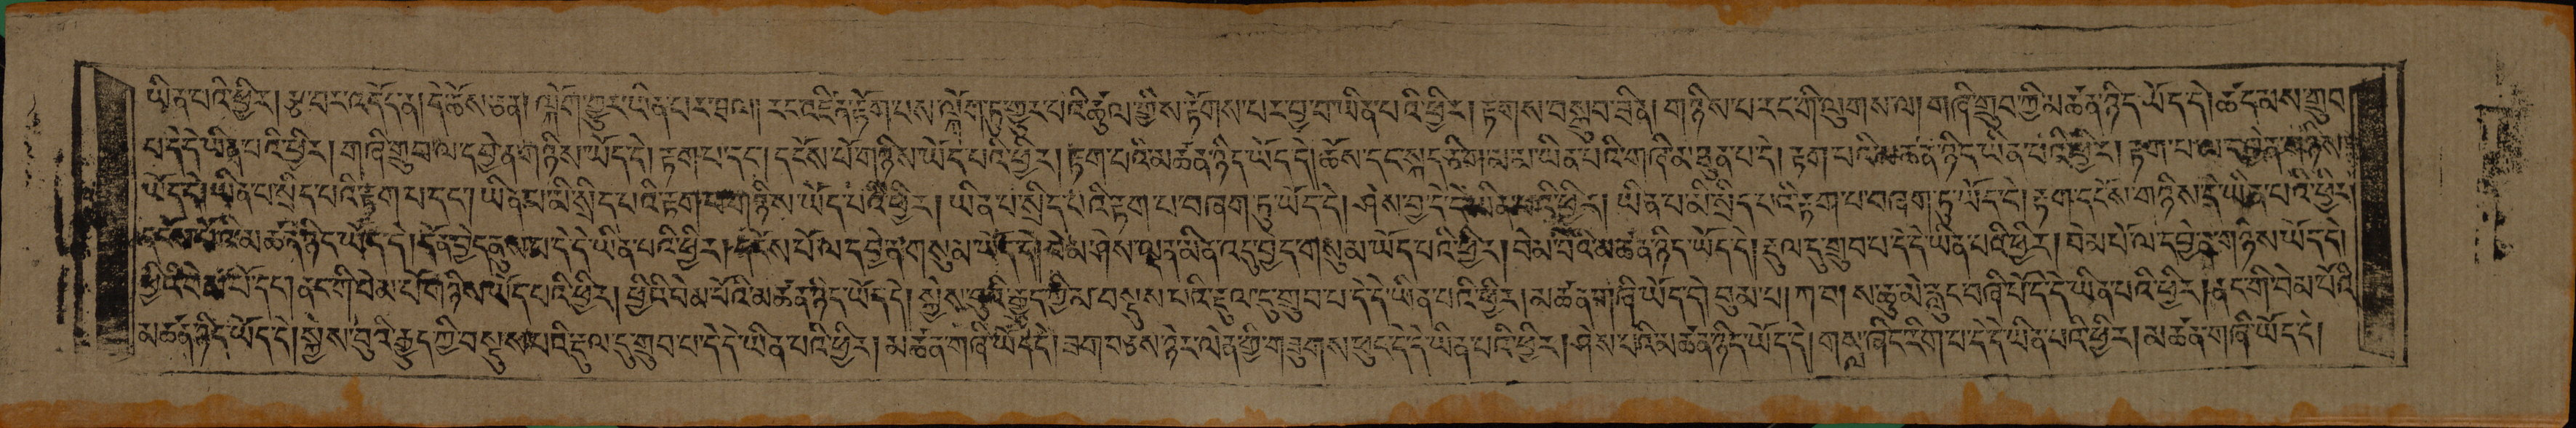ཡིན་པའི་ཕྱིར། རྩ་བར་འདོད་ན། དེ་ཆོས་ཅན། ལྐོག་གྱུར་ཡིན་པར་ཐལ། རང་འཛིན་རྟོག་པས་ལྐོག་ཏུ་གྱུར་པའི་ཚུལ་གྱིས་རྟོགས་པར་བྱ་བ་ཡིན་པའི་ཕྱིར། རྟགས་བསྒྲུབ་ཟིན། གཉིས་པ་རང་གི་ལུགས་ལ། གཞི་གྲུབ་ཀྱི་མཚན་ཉིད་ཡོད་དེ། ཚད་མས་གྲུབ་
པ་དེ་དེ་ཡིན་པའི་ཕྱིར། གཞི་གྲུབ་ལ་དབྱེ་ན་གཉིས་ཡོད་དེ། རྟག་པ་དང་། དངོས་པོ་གཉིས་ཡོད་པའི་ཕྱིར། རྟག་པའི་མཚན་ཉིད་ཡོད་དེ། ཆོས་དང་སྐད་ཅིག་མ་མ་ཡིན་པའི་གཞི་མཐུན་པ་དེ། རྟག་པའི་མཚན་ཉིད་ཡིན་པའི་ཕྱིར། རྟག་པ་ལ་དབྱེ་ན་གཉིས་
ཡོད་དེ། ཡིན་པ་སྲིད་པའི་རྟག་པ་དང་། ཡིན་པ་མི་སྲིད་པའི་རྟག་པ་གཉིས་ཡོད་པའི་ཕྱིར། ཡིན་པ་སྲིད་པའི་རྟག་པ་བཞག་ཏུ་ཡོད་དེ། ཤེས་བྱ་དེ་དེ་ཡིན་པའི་ཕྱིར། ཡིན་པ་མི་སྲིད་པའི་རྟག་པ་བཞག་ཏུ་ཡོད་དེ། རྟག་དངོས་གཉིས་དེ་ཡིན་པའི་ཕྱིར་
དངོས་པོའི་མཚན་ཉིད་ཡོད་དེ། དོན་བྱེད་ནུས་པ་དེ་དེ་ཡིན་པའི་ཕྱིར། དངོས་པོ་ལ་དབྱེ་ན་གསུམ་ཡོད་དེ། བེམ་ཤེས་ལྡན་མིན་འདུ་བྱེད་གསུམ་ཡོད་པའི་ཕྱིར། བེམ་པོའི་མཚན་ཉིད་ཡོད་དེ། རྡུལ་དུ་གྲུབ་པ་དེ་དེ་ཡིན་པའི་ཕྱིར། བེམ་པོ་ལ་དབྱེ་ན་གཉིས་ཡོད་དེ།
ཕྱིའི་བེམ་པོ་དང་། ནང་གི་བེམ་པོ་གཉིས་ཡོད་པའི་ཕྱིར། ཕྱིའི་བེམ་པོའི་མཚན་ཉིད་ཡོད་དེ། སྐྱེས་བུའི་རྒྱུད་ཀྱི་མ་བསྡུས་པའི་རྡུལ་དུ་གྲུབ་པ་དེ་དེ་ཡིན་པའི་ཕྱིར། མཚན་གཞི་ཡོད་དེ། བུམ་པ། ཀ་བ། ས་ཆུ་མེ་རླུང་བཞི་པོ་དེ་དེ་ཡིན་པའི་ཕྱིར། ནང་གི་བེམ་པོའི་
མཚན་ཉིད་ཡོད་དེ། སྐྱེས་བུའི་རྒྱུད་ཀྱི་བསྡུས་པའི་རྡུལ་དུ་གྲུབ་པ་དེ་དེ་ཡིན་པའི་ཕྱིར། མཚན་གཞི་ཡོད་དེ། ཟག་བཅས་ཉེར་ལེན་གྱི་གཟུགས་ཕུང་དེ་དེ་ཡིན་པའི་ཕྱིར། ཤེས་པའི་མཚན་ཉིད་ཡོད་དེ། གསལ་ཞིང་རིག་པ་དེ་དེ་ཡིན་པའི་ཕྱིར། མཚན་གཞི་ཡོད་དེ།